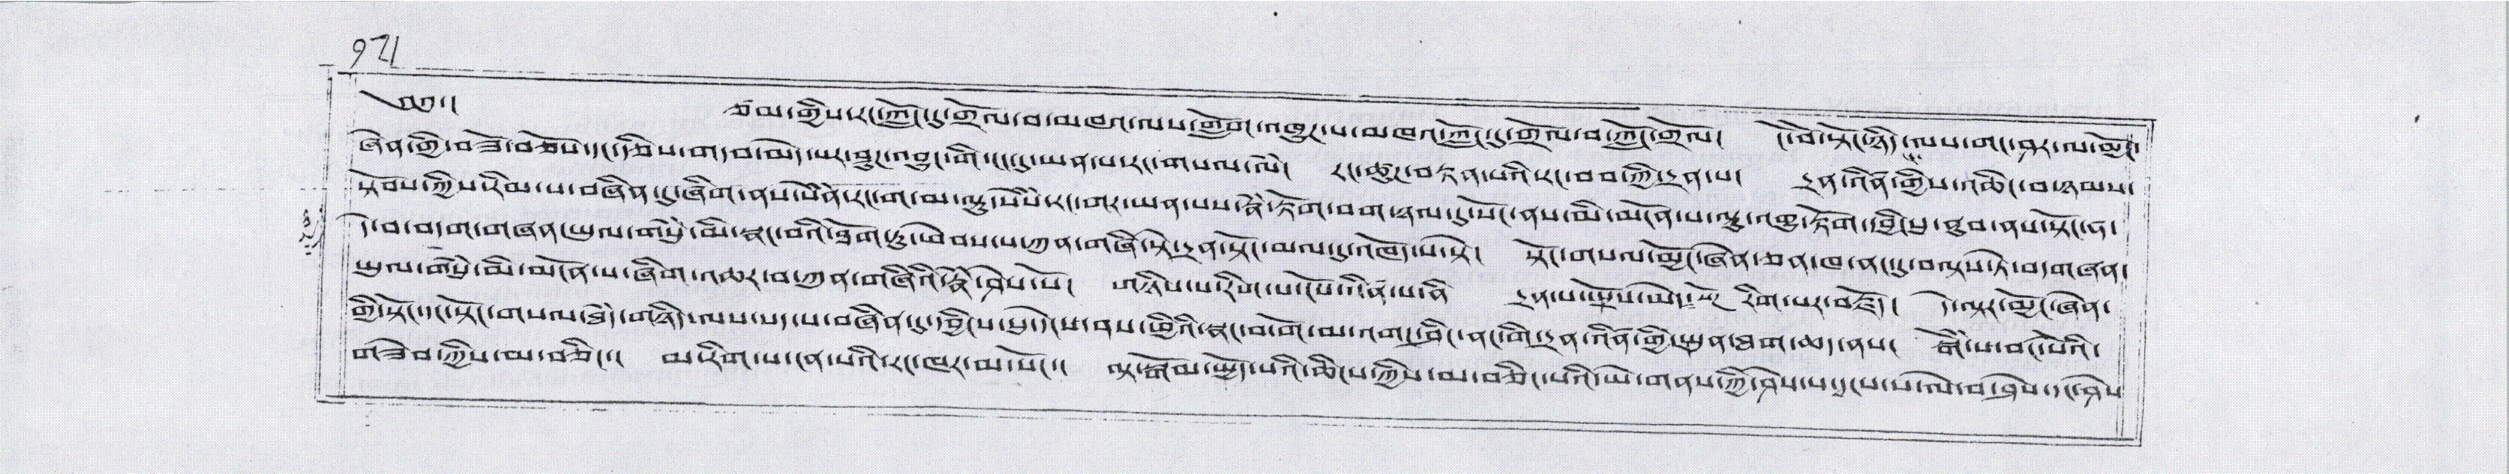ཙམ་གྱིས་རང་ཀློང་དུ་གྲོལ་བ་མཁའ་ལས་གློག་འཁྱུགས་པ་མཁའ་ཀློང་དུ་གྲོལ་བ་ཀློང་གྲོལ། ངོ་བོ་སྟོང་ཉིད་ངང་ལས་གང་ཤར་ལ་མྱོང་
ཞེན་གྱི་བཟོ་བཅོས་དང་རྩིས་གདབ་མེད་པར་ཤུགས་འབྱུང་གི་ངང་དུ་ཡན་པ་རང་གསལ་ལམ་ལམ། རང་ཚུགས་བརྟན་པའི་རང་བབ་ཀྱི་དྲན་པ། དྲན་འཛིན་གྱི་འཆིང་བ་ཉམས་
སྟོབས་ཀྱིས་རིམ་པ་བཞིན་དུ་ཞིག་ནས་སེམས་ཅན་རང་ག་མ་ལྟ་བུ་སེམས་རང་གར་ཡན་པས་རྣམ་རྟོག་བག་ཉལ་དུ་སོང་ནས་མི་མངོན་པ་ལྟ་བུ་འགྱུ་རྟོགས་དབྱིངས་སུ་ནུབ་ནས་སྟོང་ཧ་
དེ་བ་བདག་གཞན་ཡུལ་གསུམ་མི་སྣང་བའི་ཐོག་ཏུ་ཕེབ་པ་ཀུན་གཞི་སྟེ་དྲན་སྟོང་མལ་དུ་འཁོད་པ་སྟེ། སྟོང་གསལ་མྱོང་ཞེན་ཅན་ཁ་ནང་དུ་བལྟས་ཏེ་བདག་གཞན་
ཡུལ་གསུམ་མི་མངོན་པ་ཞིག་འཆར་བ་ཀུན་གཞིའི་རྣམ་ཤེས་སོ། །གཉིས་པ་རིག་པ་ངོས་འཛིན་པ་ནི། དྲན་པ་སྤྲོས་མེད་སོགས་རིག་པར་བརྗོད། དེ་ལྟར་མྱོང་ཞེན་
གྱི་སྟོང་དང་སྟོང་གསལ་ཐམས་ཅད་གཉིད་ལས་སད་པ་བཞིན་དུ་དབྱིངས་སུ་དེངས་ནས་ཕྱིའི་སྣང་བ་གོ་མ་འགགས་ཤིང་ནང་གི་དྲན་འཛིན་གྱི་སྤུན་ཐག་ཆད་ནས། སྒོམ་པ་བང་སོའི་
གཟེབ་ཀྱིས་མ་བཅིང་། མ་རིག་པ་ངན་པའི་རང་ཁར་མ་སོང་། ལྟ་སྒོམ་སྤྱོད་པའི་ཆིངས་ཀྱིས་མ་བཅིང་པའི་ཡེ་གནས་ཀྱི་ཤེས་པ་དང་ས་ལེ་བ་ཤེས་དང་ཤེས་